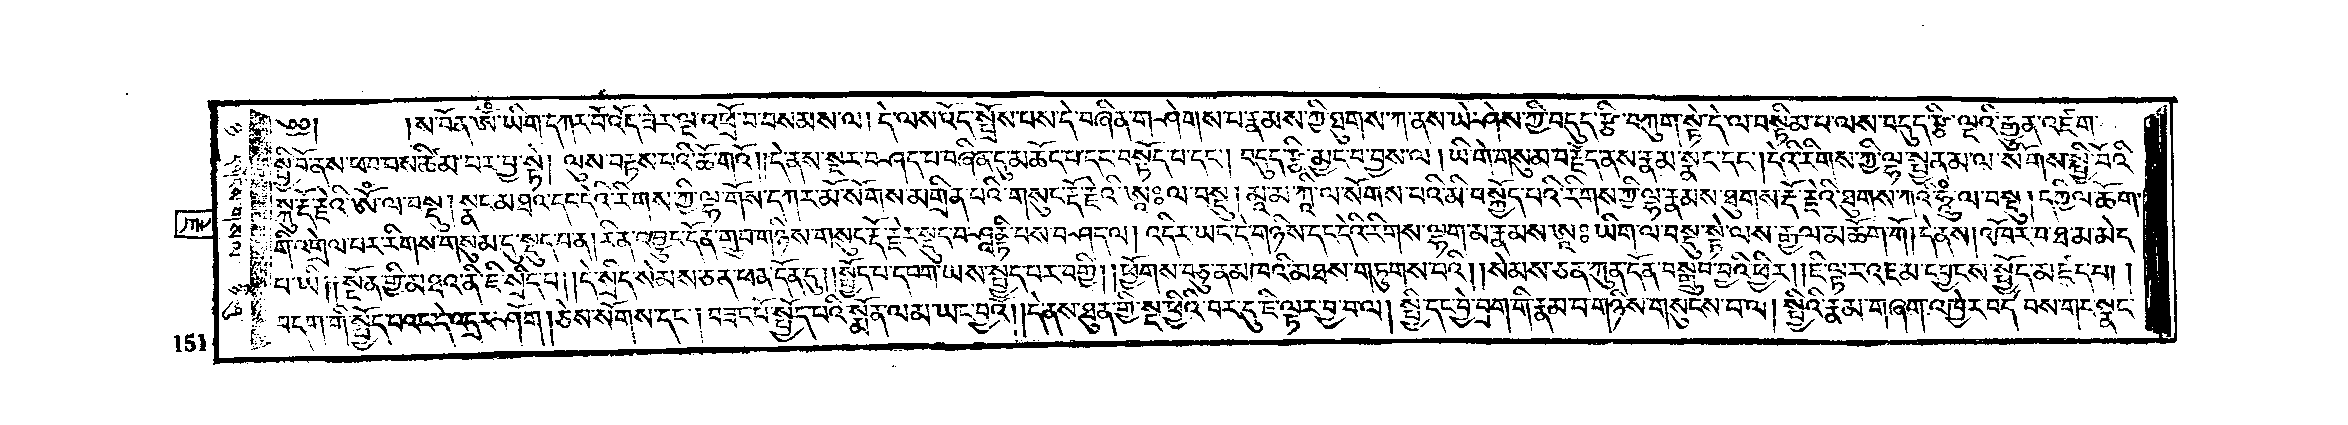༄༅། །ས་བོན་ཨོཾ་ཡིག་དཀར་པོ་འོད་ཟེར་ལྔ་འཕྲོ་བ་བསམས་ལ། དེ་ལས་འོད་སྤྲོས་པས་དེ་བཞིན་གཤེགས་པ་རྣམས་ཀྱི་ཐུགས་ཀ་ནས་ཡེ་ཤེས་ཀྱི་བདུད་རྩི་བཀུག་སྟེ་དེ་ལ་བསྟིམ་པ་ལས་བདུད་རྩི་ལྔའི་རྒྱུན་འཛག་པ་
སྤྱི་བོ་ནས་ཕབ་པས་ཚིམ་པར་བྱ་སྟེ། ལུས་བརྟས་པའི་ཆོ་གའོ། །དེ་ནས་སྔར་བཤད་པ་བཞིན་དུ་མཆོད་པ་དང་བསྟོད་པ་དང་། བདུད་རྩི་མྱང་བ་བྱས་ལ། ཡི་གེ་གསུམ་བརྗོད་ནས་རྣམ་སྣང་དང་། དེའི་རིགས་ཀྱི་ལྷ་སྤྱན་མ་ལ་སོགས་སྤྱི་བོའི་
སྐུ་རྡོ་རྗེའི་ཨོཾ་ལ་བསྡུ། སྣང་མཐའ་དང་དེའི་རིགས་ཀྱི་ལྷ་གོས་དཀར་མོ་སོགས་མགྲིན་པའི་གསུང་རྡོ་རྗེའི་ཨཱཿ ལ་བསྡུ། མཱ་མ་ཀཱི་ལ་སོགས་པའི་མི་བསྐྱོད་པའི་རིགས་ཀྱི་ལྷ་རྣམས་ཐུགས་རྡོ་རྗེའི་ཐུགས་ཀའི་ཧཱུཾ་ལ་བསྡུ། དཀྱིལ་ཆོག་
གི་འགྲེལ་པར་རིགས་གསུམ་དུ་སྡུད་པ་ན། རིན་འབྱུང་དོན་གྲུབ་གཉིས་གསུང་རྡོ་རྗེར་སྡུད་པ་ཤཱནྟི་པས་བཤད་ལ། འདིར་ཡང་དེ་གཉིས་དང་དེའི་རིགས་ལྷག་མ་རྣམས་ཨཱཿ ཡིག་ལ་བསྡུ་སྟེ་ལས་རྒྱལ་མཆོག་གོ །དེ་ནས། འཁོར་བ་ཐ་མ་མེད་
པ་ཡི། །སྔོན་གྱི་མཐའ་ནི་ཇི་སྲིད་པ། །དེ་སྲིད་སེམས་ཅན་ཕན་དོན་དུ། །སྤྱོད་པ་དཔག་ཡས་སྤྱད་པར་བགྱི། །ཕྱོགས་བཅུ་ནམ་མཁའི་མཐས་གཏུགས་པའི། །སེམས་ཅན་ཀུན་དོན་བསྒྲུབ་བྱའི་ཕྱིར། །ཇི་ལྟར་འཇམ་དབྱངས་སྤྱོད་མཛད་པ། །
བདག་གི་སྤྱོད་པའང་དེ་འདྲར་ཤོག །ཅེས་སོགས་དང་། བཟང་པོ་སྤྱོད་པའི་སྨོན་ལམ་ཡང་བྱའོ། །དེ་ནས་ཐུན་གྱི་སྔ་ཕྱིའི་བར་དུ་ཇི་ལྟར་བྱ་བ་ལ། སྤྱི་དང་བྱེ་བྲག་གི་རྣམ་པ་གཉིས་གསུངས་པ་ལ། སྤྱིའི་རྣམ་གཞག་འཁྱེར་བདེ་བས་གང་སྣང་